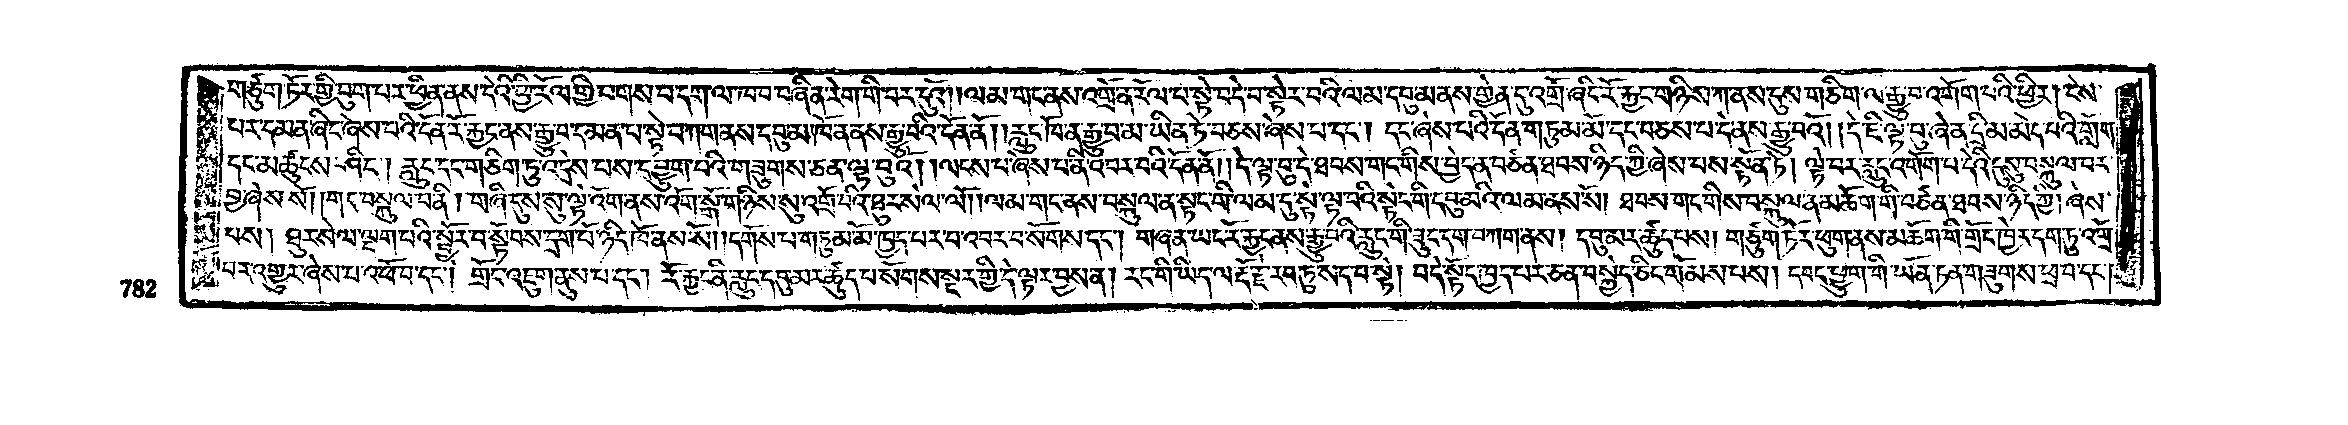གཙུག་ཏོར་གྱི་བུག་པར་ཕྱིན་ནས་དེའི་ཕྱི་རོལ་གྱི་པགས་པ་དག་ལ་ཁབ་བཞིན་རེག་གི་བར་དུའོ། །ལམ་གང་ནས་འགྲོ་ན་རོལ་པ་སྟེ་བདེ་བ་སྟེར་བའི་ལམ་དབུ་མ་ནས་གྱེན་དུ་འགྲོ་ཞིང་རོ་རྐྱང་གཉིས་ཀ་ནས་དུས་གཅིག་ལ་རྒྱུ་བ་འགོག་པའི་ཕྱིར། ངེས་
པར་དམན་ཞིང་ཞེས་པའི་དོན་རོ་རྐྱང་ནས་རྒྱུ་བ་དམན་པ་སྟེ་བཀག་ནས་དབུ་མ་ཁོ་ན་ནས་རྒྱུ་བའི་དོན་ནོ། །རླུང་ཁོ་ན་རྒྱུ་བ་མ་ཡིན་ཏེ་བཅས་ཞེས་པ་དང་། དང་ཞེས་པའི་དོན་གཏུམ་མོ་དང་བཅས་པ་དེ་ནས་རྒྱུ་བའོ། །དེ་ཇི་ལྟ་བུ་ཞེ་ན་དྲི་མ་མེད་པའི་གློག་
དང་མཚུངས་ཤིང་། རླུང་དང་གཅིག་ཏུ་འདྲེས་པས་དབྱུག་པའི་གཟུགས་ཅན་ལྟ་བུའོ། །ལངས་པ་ཞེས་པ་ནི་འབར་བའི་དོན་ནོ། །དེ་ལྟ་བུ་དེ་ཐབས་གང་གིས་བྱེད་ན་བཙན་ཐབས་ཉིད་ཀྱི་ཞེས་པས་སྟོན་ཏེ། ལྟེ་བར་རླུང་འགོག་པ་དེའི་དུས་སུ་བསྐུལ་བར་
བྱ་ཞེས་སོ། །གང་བསྐུལ་པ་ནི། གཞི་དུས་སུ་ལྟེ་འོག་ནས་འོག་སྒོ་གཉིས་སུ་འགྲོ་བའི་ཐུར་སེལ་ལོ། །ལམ་གང་ནས་བསྐུལ་ན་སྟེང་གི་ལམ་དུ་སྟེ་ལྟ་བའི་སྟེང་གི་དབུ་མའི་ལམ་ནས་སོ། ཐབས་གང་གིས་བསྐུལ་ན་མཆོག་གི་བཙན་ཐབས་ཉིད་ཀྱི། ཞེས་
པས། ཐུར་སེལ་ལྡོག་པའི་སྦྱོར་བ་སྟོབས་དྲག་པོ་ཉིད་ཁོ་ནས་སོ། །དགོས་པ་གཏུམ་མོ་ཁྱད་པར་འབར་བ་སོགས་དང་། གཞན་ཡང་རོ་རྐྱང་ནས་རྒྱུ་བའི་རླུང་གི་ཟུང་དག་བཀག་ནས། དབུ་མར་ཚུད་པས། གཙུག་ཏོར་ཕུག་ནས་མཆོག་གི་གྲོང་ཁྱེར་དག་ཏུ་འགྲོ་
བར་འགྱུར་ཞེས་པ་འཕོ་བ་དང་། གྲོང་འཇུག་ནུས་པ་དང་། རོ་རྐྱང་ནི་རླུང་དབུ་མར་ཚུད་པ་སོགས་སྔར་གྱི་དེ་ལྟར་བྱས་ན། རང་གི་ཡིད་ལ་རྡོ་རྗེ་རབ་ཏུ་སད་པ་སྟེ། བདེ་སྟོང་ཁྱད་པར་ཅན་བསྐྱེད་ཅིང་གོམས་པས། དབང་ཕྱུག་གི་ཡོན་ཏན་གཟུགས་ཕྲ་བ་དང་།